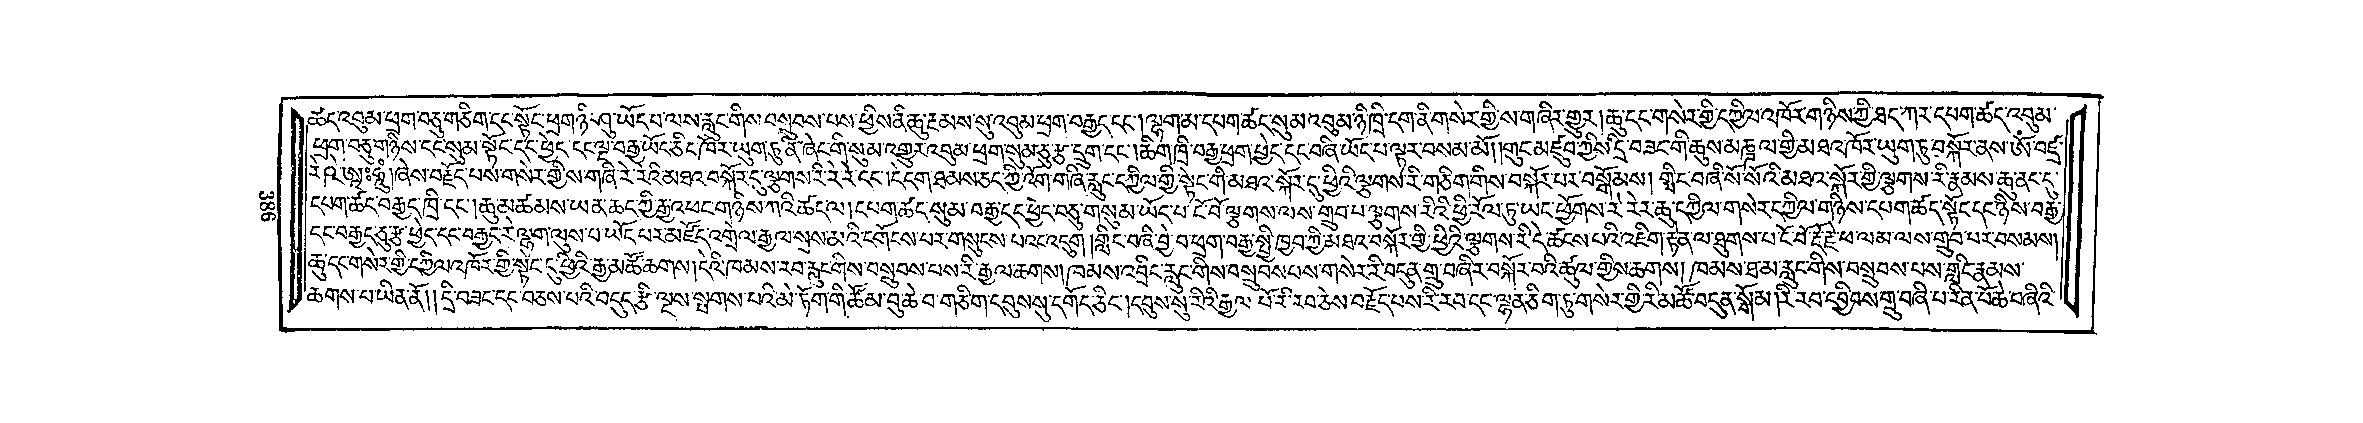ཚད་འབུམ་ཕྲག་བཅུ་གཅིག་དང་སྟོང་ཕྲག་ཉི་ཤུ་ཡོད་པ་ལས་རླུང་གིས་བསྲུབས་པས་ཕྱིས་ནི་ཆུ་རྔམས་སུ་འབུམ་ཕྲག་བརྒྱད་དང་། ལྷག་མ་དཔག་ཚད་སུམ་འབུམ་ཉི་ཁྲི་དག་ནི་གསེར་གྱི་ས་གཞིར་གྱུར། ཆུ་དང་གསེར་གྱི་དཀྱིལ་འཁོར་གཉིས་ཀྱི་ཐད་ཀར་དཔག་ཚད་འབུམ་
ཕྲག་བཅུ་གཉིས་དང་སུམ་སྟོང་དང་ཕྱེད་དང་ལྔ་བརྒྱ་ཡོད་ཅིང་ཁོར་ཡུག་ཏུ་ནི་ཞེང་གི་སུམ་འགྱུར་འབུམ་ཕྲག་སུམ་ཅུ་རྩ་དྲུག་དང་། ཆིག་ཁྲི་བརྒྱ་ཕྲག་ཕྱེད་དང་བཞི་ཡོད་པ་ལྟར་བསམ་མོ། །གུང་མཛུབ་ཀྱིས་དྲི་བཟང་གི་ཆུས་མཎྜལ་གྱི་མཐའ་ཁོར་ཡུག་ཏུ་བསྐོར་ནས་ཨོཾ་བྫྲ་
རེ་ཥེ་ཨཱཿ ཧཱུཾ། ཞེས་བརྗོད་པས་གསེར་གྱི་ས་གཞི་རེ་རེའི་མཐའ་བསྐོར་དུ་ལྕགས་རི་རེ་རེ་དང་། དེ་དག་ཐམས་ཅད་ཀྱི་འོག་གཞི་རླུང་དཀྱིལ་གྱི་སྟེང་གི་མཐའ་སྐོར་དུ་ཕྱིའི་ལྕགས་རི་གཅིག་གིས་བསྐོར་པར་བསྒོམས། གླིང་བཞི་སོ་སོའི་མཐའ་སྐོར་གྱི་ལྕགས་རི་རྣམས་ཆུ་ནང་དུ་
དཔག་ཚད་བརྒྱད་ཁྲི་དང་། ཆུ་མཚམས་ཡན་ཆད་ཀྱི་རྒྱ་འཕང་གཉིས་ཀའི་ཚད་ལ། དཔག་ཚད་སུམ་བརྒྱ་དང་ཕྱེད་བཅུ་གསུམ་ཡོད་པ་ངོ་བོ་ལྕགས་ལས་གྲུབ་པ་ལྕགས་རིའི་ཕྱི་རོལ་ཏུ་ཡང་ཕྱོགས་རེ་རེར་ཆུ་དཀྱིལ་གསེར་དཀྱིལ་གཉིས་དཔག་ཚད་སྟོང་དང་ཉིས་བརྒྱ་
དང་བརྒྱད་ཅུ་རྩ་ཕྱེད་དང་བརྒྱད་རེ་ལྷག་ལུས་པ་ཡོད་པར་མཛོད་འགྲེལ་རྒྱལ་སྲས་མའི་དགོངས་པར་གསུངས་པའང་འདུག །གླིང་བཞི་བྱེ་བ་ཕྲག་བརྒྱ་སྤྱི་ཁྱབ་ཀྱི་མཐའ་བསྐོར་གྱི་ཕྱིའི་ལྕགས་རི་དེ་ཚངས་པའི་འཇིག་རྟེན་ལ་ཐུགས་པ་ངོ་བོ་རྡོ་རྗེ་ཕ་ལམ་ལས་གྲུབ་པར་བསམས།
ཆུ་དང་གསེར་གྱི་དཀྱིལ་འཁོར་གྱི་སྟེང་དུ་ཕྱིའི་རྒྱ་མཚོ་ཆགས། དེའི་ཁམས་རབ་རླུང་གིས་བསྲུབས་པས་རི་རྒྱལ་ཆགས། ཁམས་འབྲིང་རླུང་གིས་བསྲུབས་པས་གསེར་རི་བདུན་གྲུ་བཞིར་བསྐོར་བའི་ཚུལ་གྱིས་ཆགས། ཁམས་ཐ་མ་རླུང་གིས་བསྲུབས་པས་གླིང་རྣམས་
ཆགས་པ་ཡིན་ནོ། །དྲི་བཟང་དང་བཅས་པའི་བདུད་རྩི་ལྔས་སྤགས་པའི་མེ་ཏོག་གི་ཚོམ་བུ་ཆེ་བ་གཅིག་དབུས་སུ་དགོད་ཅིང་། དབུས་སུ་རིའི་རྒྱལ་པོ་རི་རབ་ཅེས་བརྗོད་པས་རི་རབ་དང་ལྷན་ཅིག་ཏུ་གསེར་གྱི་རི་མཚོ་བདུན་སྒོམ། རི་རབ་དབྱིབས་གྲུ་བཞི་པ་རིན་པོ་ཆེ་བཞིའི་